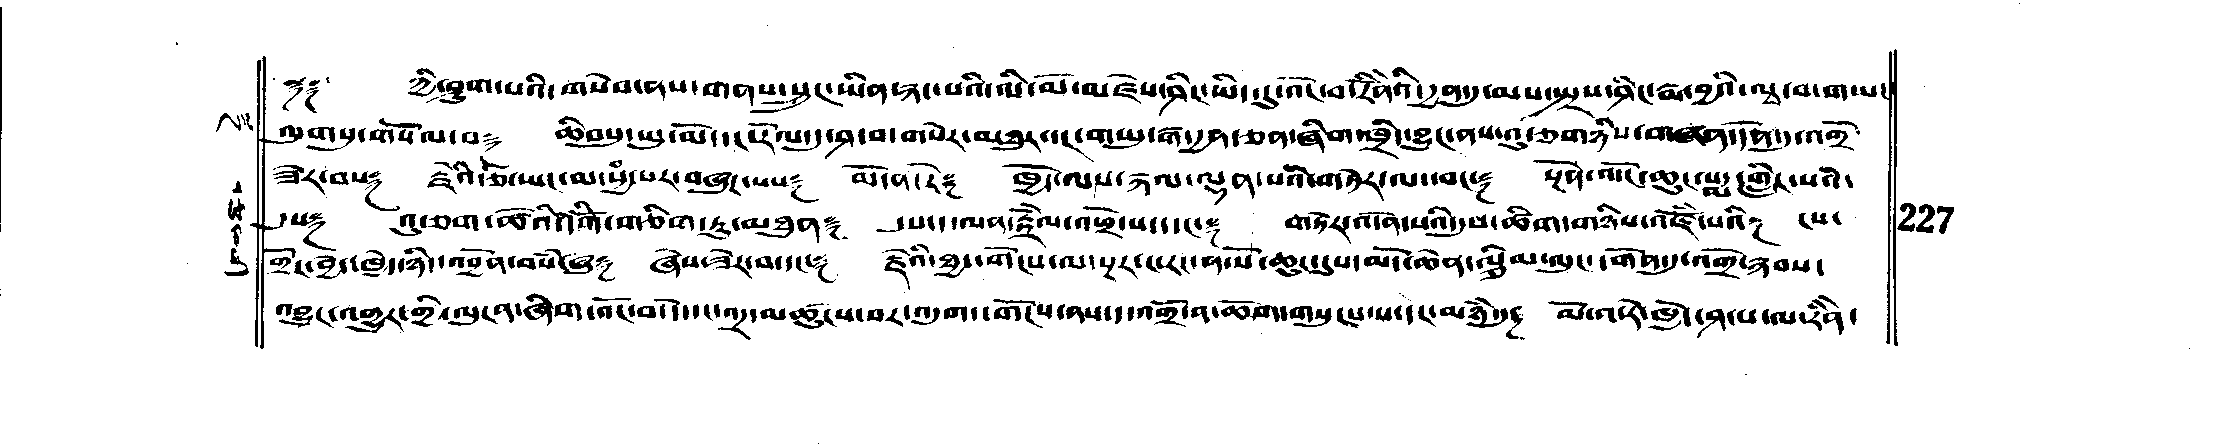ཀྱི་ཤུག་པའི་གསེབ་ནས་གནས་སྲུང་ཡིན་སྐད་པའི་མི་མོ་མཛེས་ཤིང་ཡིད་དུ་འོང་བ་རིན་པོ་ཆེའི་རྒྱན་དུ་མས་སྤྲས་ཤིང་རྨ་བྱའི་ལྭ་བ་གཡང་
ལུགས་སུ་གསོལ་བ། ཆིབས་སུ་ཡུ་མོ་དང་རོལ་དུ་ཤ་བ་གསེར་མཐུར་དང་གཡུ་སྒ་རྒྱན་ཅན་ཞིག་འཁྲིད་བྱུང་ནས་འུ་ཅག་གཉིས་གཞན་དོན་དུ་འགྲོ་
ཟེར་བས། རྗེའི་ཅི་ཡང་མ་གསུང་པར་བཞུགས་པས། མོ་ན་རེ། ཁྱོད་ལས་སྐལ་ལྡན་པའི་གཏེར་ལ་དབང་། །སྔོན་འདོང་ཆུང་པདྨ་གླིང་པའི་
དུས། །འུ་ཅག་ཚོའི་དམ་ཚིག་གཅིག་ཏུ་མཐུན། །དུས་ད་ལན་རྟེན་འབྲེལ་འཕྲད་པ་དང་། །གཏེར་འདོན་པའི་དུས་ཚིགས་གཉིས་འཛོམ་པས། །ངས་
གྲོགས་བྱེད་ཁྱེད་ཉིད་འབྱོན་བསམ་ཞུ། །ཞེས་ཟེར་བ་དང་། རྗེའི་ཐུགས་དགོངས་ལ་སྔར་ང་རང་ན་སོ་ཆུང་དུས་མདོ་ཆེན་ལྕིམ་ལུང་དགོན་དུ་འགྲོ་སྐབས་
འབྱུང་འགྱུར་གྱི་ལུང་བསྟན་ཞིག་འོང་བ་དེ་དང་འདྲ་མཚུངས་བར་འདུག་དགོངས་ནས་ད་འགྲོ་ན་ཆོག་གསུངས་པ་དང་མཉམ་དུ། མོ་ན་རེ་ཁྱོད་ཤ་བ་རིན་ཆེན་